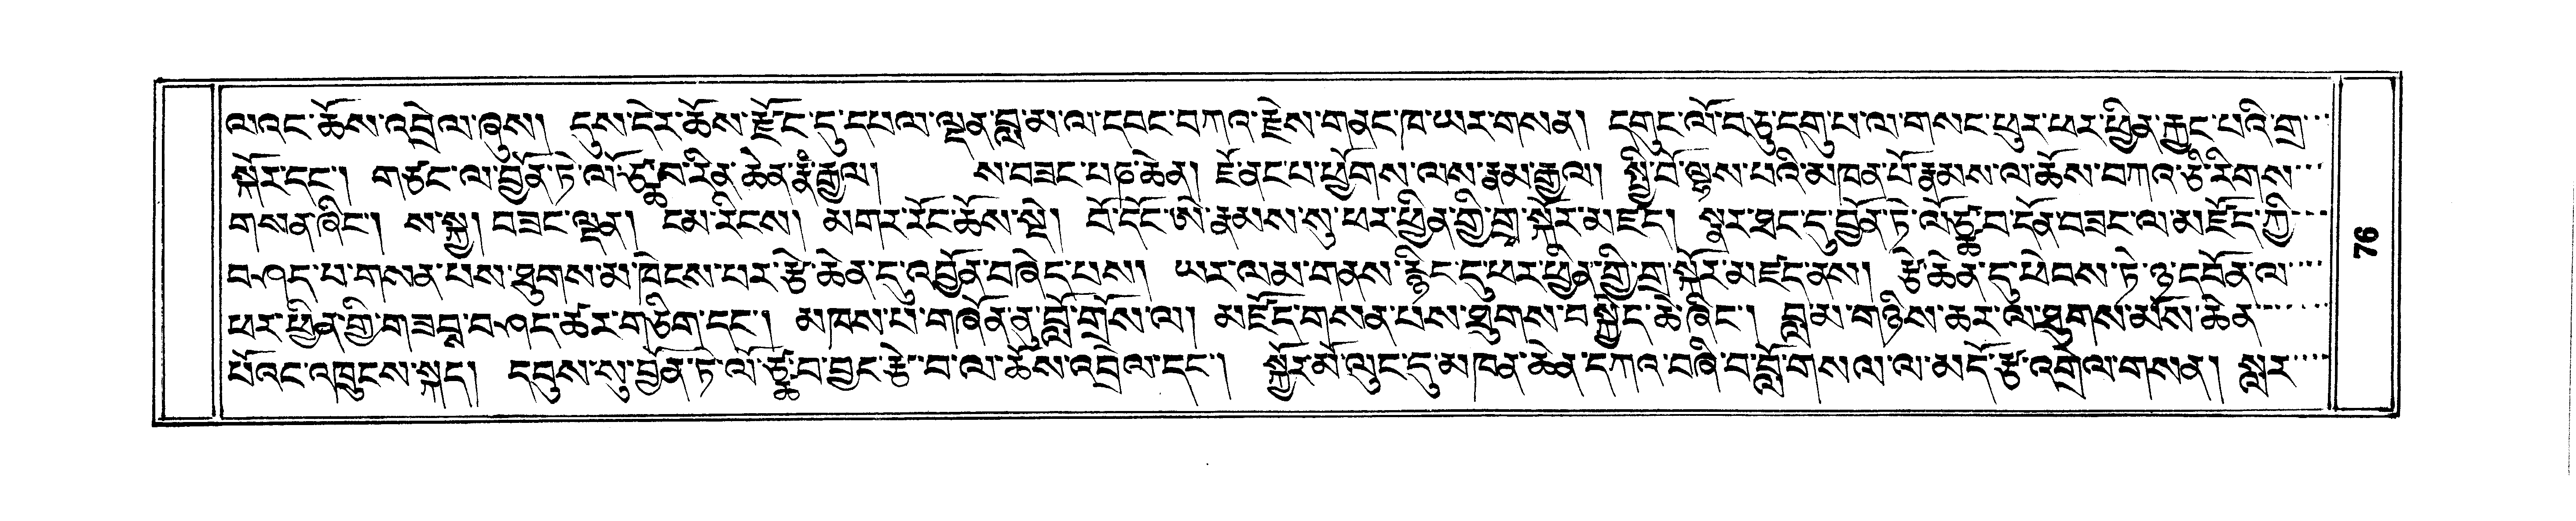ལའང་ཆོས་འབྲེལ་ཞུས། དུས་དེར་ཆོས་རྫོང་དུ་དཔལ་ལྡན་བླ་མ་ལ་དབང་བཀའ་རྗེས་གནང་ཁ་ཡར་གསན། དགུང་ལོ་བཅུ་དགུ་པ་ལ་གསང་ཕུར་ཕར་ཕྱིན་རྐྱང་པའི་གྲ་
སྐོར་དང་། གཙང་ལ་བྱོན་ཏེ་ལོ་ཙྪ་བ་རིན་ཆེན་རྣཾ་རྒྱལ། ས་བཟང་པཎ་ཆེན། ཇོ་ནང་པ་ཕྱོགས་ལས་རྣམ་རྒྱལ། སྤྱི་བོ་ལྷས་པའི་མཁན་པོ་རྣམས་ལ་ཆོས་བཀའ་ཅི་རིགས་
གསན་ཞིང་། ས་སྐྱ། བཟང་ལྡན། ངམ་རིངས། མགར་རོང་ཆོས་སྡེ། བོ་དོང་ཨེ་རྣམས་སུ་ཕར་ཕྱིན་གྱི་གྲྭ་སྐོར་མཛད། སྣར་ཐང་དུ་བྱོན་ཏེ་ལོཙྪ་བ་དོན་བཟང་ལ་མཛོད་ཀྱི་
བཤད་པ་གསན་པས་ཐུགས་མ་ཁེངས་པར་རྩེ་ཆེན་དུ་འབྱོན་བཞེད་པས། ཡར་ལམ་གནས་རྙིང་དུ་ཕར་ཕྱིན་གྱི་གྲ་སྐོར་མཛད་ནས། རྩེ་ཆེན་དུ་ཕེབས་ཏེ་ཉ་དབོན་ལ་
ཕར་ཕྱིན་གྱི་གཟབས་བཤད་ཚར་གཅིག་དང་། མཁས་པ་གཞོན་ནུ་བློ་གྲོས་ལ། མཛོད་གསན་པས་ཐུགས་བསྐྱེད་ཆེ་ཞིང་། བླ་མ་གཉིས་ཆར་ལ་ཐུགས་མོས་ཆེན་
པོའང་འཁྲུངས་སྐད། དབུས་སུ་བྱོན་ཏེ་ལོ་ཙྪ་བ་བྱང་རྩེ་བ་ལ་ཆོས་འབྲེལ་དང་། སྐྱོར་མོ་ལུང་དུ་མཁན་ཆེན་དཀའ་བཞི་བ་བློ་གསལ་ལ་མདོ་རྩ་འགྲེལ་གསན། སླར་